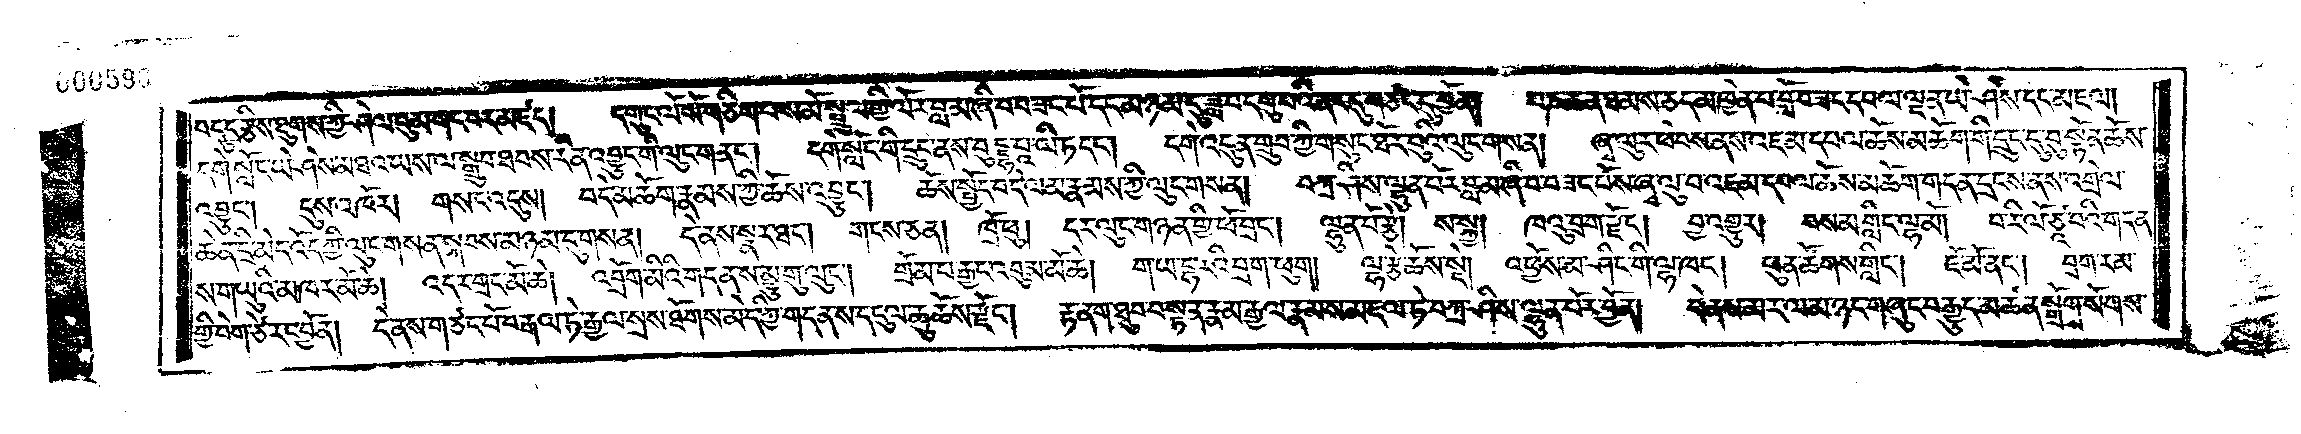བདུད་རྩིས་ཐུགས་ཀྱི་ཤེལ་བུམ་གང་བར་མཛད། དགུང་ལོ་སོ་གཅིག་བས་མོ་སྦྲུལ་གྱི་ལོར་བླ་མ་ཞིབ་བཟང་པོ་དང་མཉམ་དུ་ཟླ་བ་དགུ་པའི་ནང་དུ་གཙང་དུ་བྱོན། པཎ་ཆན་ཐམས་ཅད་མཁྱེན་པ་བློ་བཟང་དཔལ་ལྡན་ཡེ་ཤེས་དང་མཇལ།
དགེ་སློང་ཡེ་ཤེས་མཐའ་ཡས་ལ་སྒྲུབ་ཐབས་རིན་འབྱུང་གི་ལུང་གནང་། དགེ་སློང་གི་དྲུང་ནས་བུདྡྷ་པཱ་ལི་ཏ་དང་། དགེ་འདུན་གྲུབ་ཀྱི་གསུང་ཐོར་བུའི་ལུང་གསན། ཞྭ་ལུར་ཕེབས་ནས་འཇམ་དཔལ་ཆོས་མཆོག་གི་དྲུང་དུ་བུ་སྟོན་ཆོས་
འབྱུང་། དུས་འཁོར། གསང་འདུས། བདེ་མཆོག་རྣམས་ཀྱི་ཆོས་འབྱུང་། ཆོས་སྤྱོད་བདེ་ལམ་རྣམས་ཀྱི་ལུང་གསན། བཀྲ་ཤིས་ལྷུན་པོར་བླ་མ་ཞི་བ་བཟང་པོས་ཞྭ་ལུ་བ་འཇམ་དཔལ་ཆོས་མཆོག་གདན་དྲངས་ནས་འགྲེལ་
ཆེན་དྲི་མེད་འོད་ཀྱི་ལུང་གསན་སྐབས་མཉམ་དུ་གསན། དེ་ནས་སྣར་ཐང་། གངས་ཅན། ཁྲོ་ཕུ། དར་ལུང་གཉན་གྱི་ཕོ་བྲང་། ལྷུན་པོ་རྩེ། ས་སྐྱ། ཁའུ་བྲག་རྫོང་། བྱ་འགྱུར། བསམ་གླིང་ལྷ་མོ། བ་རི་ལོ་ཙཱ་བའི་གདན་
ས་གཡུའི་མཁར་མོ་ཆེ། འདར་གྲང་མོ་ཆེ། འབྲོག་མིའི་གདན་ས་མྱུ་གུ་ལུང་། གྲོམ་པ་རྒྱང་འབུམ་མོ་ཆེ། ག་ཡ་དྷ་རའི་བྲག་ཕུག། ལྷ་རྩེ་ཆོས་སྡེ། འཕྱོས་མ་ཤིང་གི་ལྷ་ཁང་། ཕུན་ཚོགས་གླིང་། ཇོ་མོ་ནང་། བྲག་རམ་
གྱི་བེག་ཙེ་རང་བྱོན། དེ་ནས་གཙང་པོ་བརྒལ་ཏེ་རྒྱལ་སྲས་ཐོགས་མེད་ཀྱི་གདན་ས་དངུལ་ཆུ་ཆོས་རྫོང་། རྟ་ནག་ཐུབ་བསྟན་རྣམ་རྒྱལ་རྣམས་མཇལ་ཏེ་བཀྲ་ཤིས་ལྷུན་བོར་བྱོན། དེ་ནས་མར་ལམ་ཉང་གཞུང་བརྒྱུད་མཚན་སྒྲོགས་སོགས་